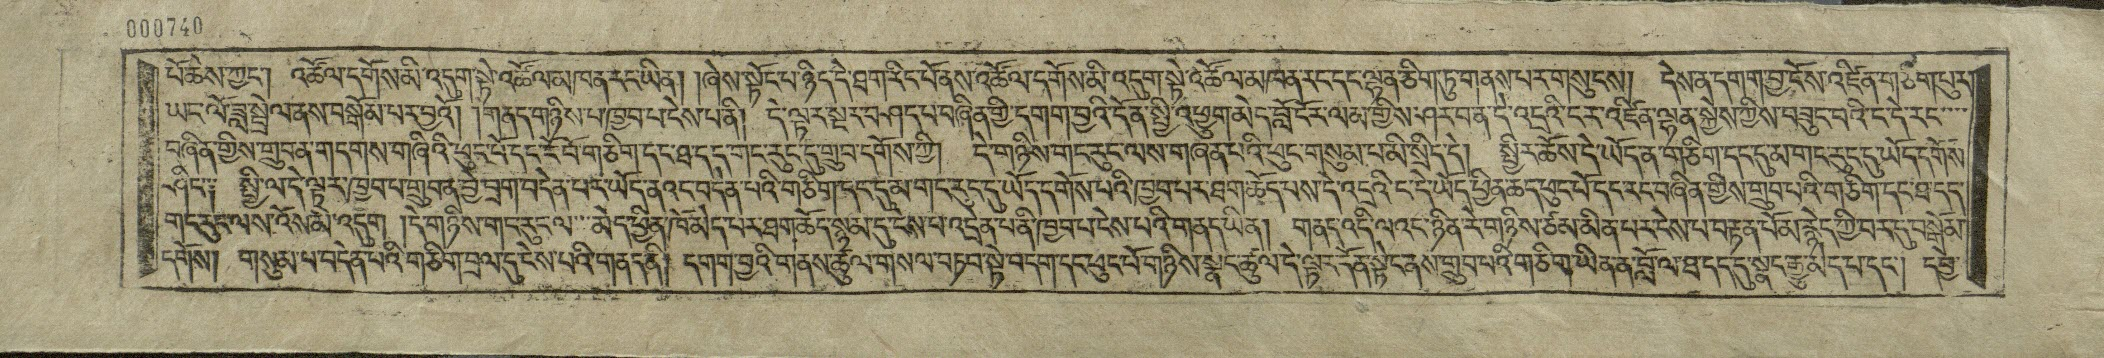པོ་ཆེས་ཀྱང་། འཚོལ་དགོས་མི་འདུག་སྟེ་འཚོལ་མཁན་རང་ཡིན། །ཞེས་སྟོང་པ་ཉིད་དེ་ཐག་རིང་པོ་ནས་འཚོལ་དགོས་མི་འདུག་སྟེ་འཚོལ་མཁན་རང་དང་ལྷན་ཅིག་ཏུ་གནས་པར་གསུངས། དེས་ན་དགག་བྱ་ངོས་འཛིན་གཅིག་པུར་
ཡང་ལོ་ཟླ་སྦྲེལ་ནས་བསྒོམ་པར་བྱའོ། །གནད་གཉིས་པ་ཁྱབ་པ་ངེས་པ་ནི། དེ་ལྟར་སྔར་བཤད་པ་བཞིན་གྱི་དགག་བྱའི་དོན་སྤྱི་འཕྱུག་མེད་བློ་ངོར་ལམ་གྱིས་ཤར་བ་ན་དེ་འདྲའི་ངར་འཛིན་ལྷན་སྐྱེས་ཀྱིས་བཟུང་བའི་ང་དེ་རང་
བཞིན་གྱིས་གྲུབ་ན་གདགས་གཞིའི་ཕུང་པོ་དང་ངོ་བོ་གཅིག་དང་ཐ་དད་གང་རུང་དུ་གྲུབ་དགོས་ཀྱི། དེ་གཉིས་གང་རུང་ལས་གཞན་པའི་ཕུང་གསུམ་པ་མི་སྲིད་དེ། སྤྱིར་ཆོས་དེ་ཡོད་ན་གཅིག་དང་དུ་མ་གང་རུང་དུ་ཡོད་དགོས་
ཤིང༑ སྤྱི་ལ་དེ་ལྟར་ཁྱབ་པ་གྲུབ་ན་བྱེ་བྲག་བདེན་པར་ཡོད་ནའང་བདེན་པའི་གཅིག་དང་དུ་མ་གང་རུང་དུ་ཡོད་དགོས་པའི་ཁྱབ་པར་ཐག་ཆོད་པས་དེ་འདྲའི་ང་དེ་ཡོད་ཕྱིན་ཆད་ཕུང་པོ་དང་རང་བཞིན་གྱིས་གྲུབ་པའི་གཅིག་དང་ཐ་དད་
གང་རུང་ལས་འོས་མི་འདུག །དེ་གཉིས་གང་རུང་ལ་མེད་ཕྱིན་ཁོ་མེད་པར་ཐག་ཆོད་སྙམ་དུ་ངེས་པ་འདྲེན་པ་ནི་ཁྱབ་པ་ངེས་པའི་གནད་ཡིན། གནད་འདི་ལའང་ཉིན་རེ་གཉིས་ཙམ་མིན་པར་ངེས་པ་བརྟན་པོ་མ་རྙེད་ཀྱི་བར་དུ་བསྒོམ་
དགོས། གསུམ་པ་བདེན་པའི་གཅིག་བྲལ་དུ་ངེས་པའི་གནད་ནི། དགག་བྱའི་གནས་ཚུལ་གསལ་བཏབ་སྟེ་བདག་དང་ཕུང་པོ་གཉིས་སྣང་ཚུལ་དེ་ལྟར་དོན་སྟེང་ནས་གྲུབ་པའི་གཅིག་ཡིན་ན་བློ་ལ་ཐ་དད་དུ་སྣང་རྒྱུ་མེད་པ་དང་། དབྱེ་